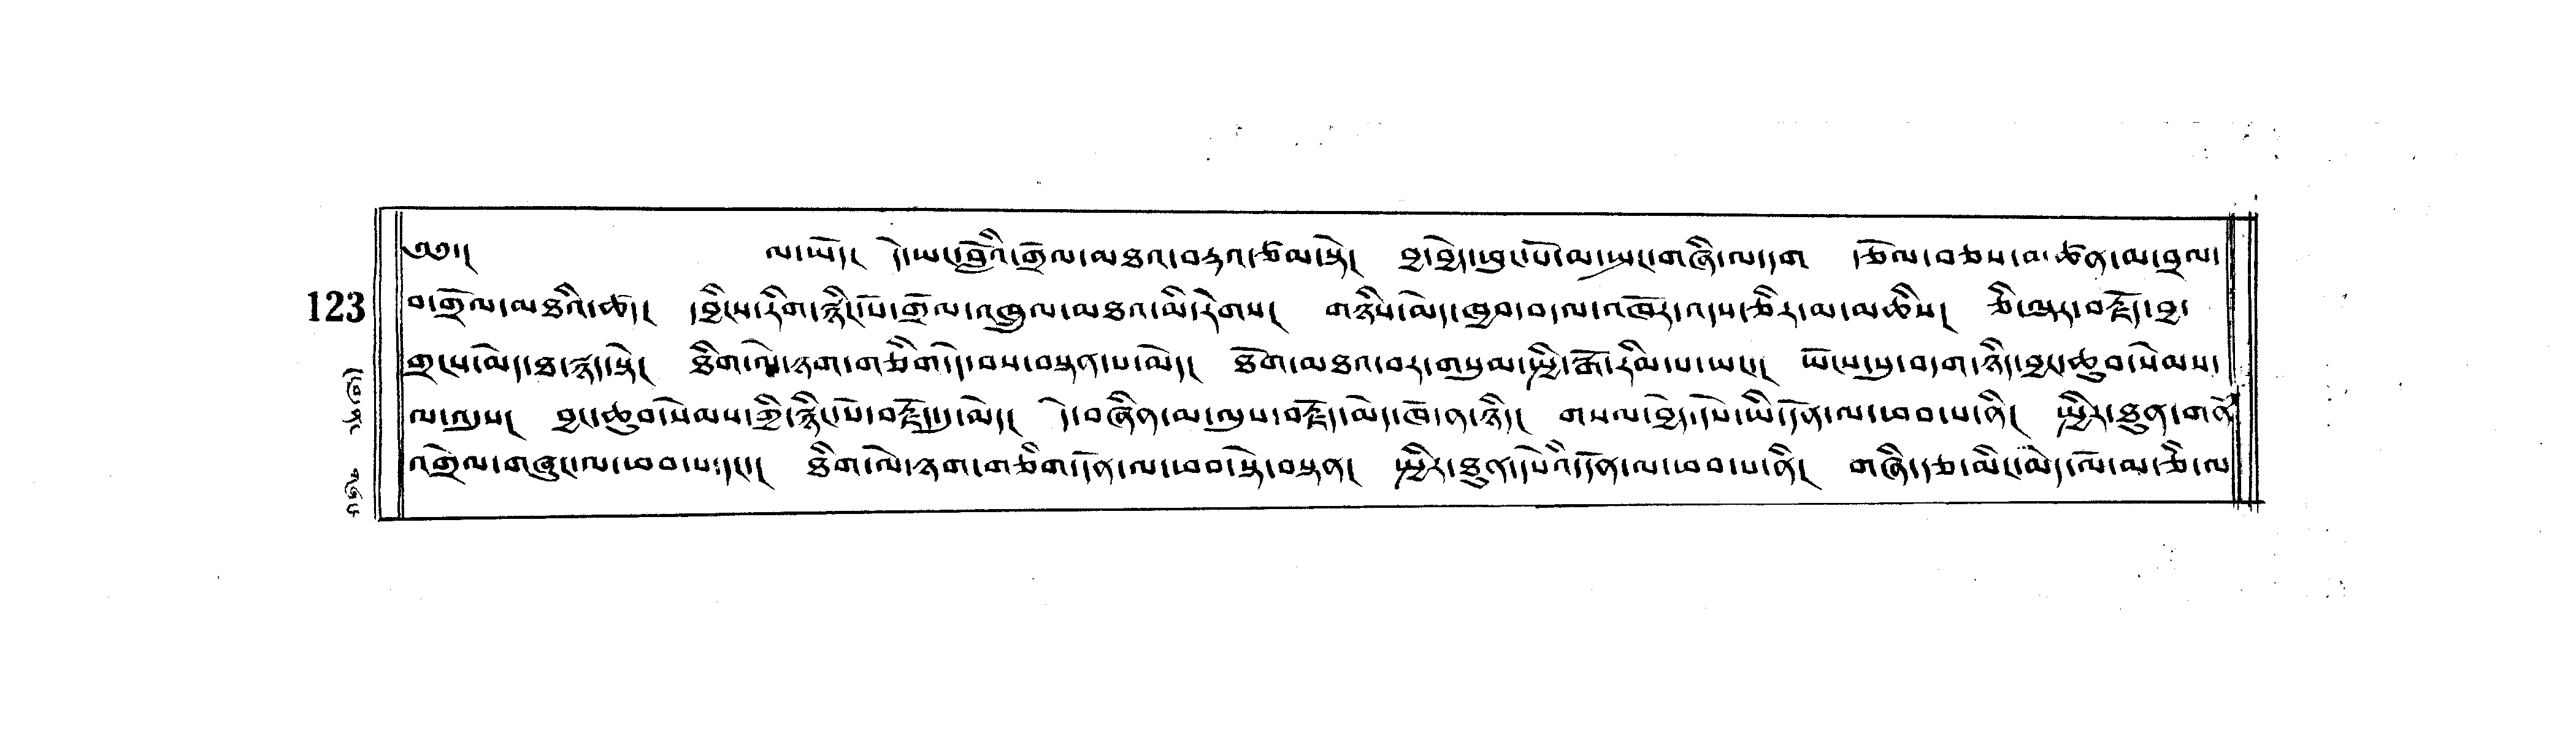ལ་ཡོད། དེ་ཡང་བློ་ཡི་གྲོལ་མཐའ་བརྡ་ཙམ་སྟེ། བྱ་བྱེད་ཕུང་པོ་མ་སྤང་གཞི་ལ་དག རྩོལ་བཅས་མཚན་མ་བྲལ་
བ་གྲོལ་མཐའི་ཚད། དབྱིངས་རིག་སྙིང་པོ་གྲོལ་འཁྲུལ་མཐའ་མི་རེགས། གཉིས་མེད་ཁྱབ་བདལ་འཁོར་འདས་ཅིར་མ་མཆིས། ཅི་ལྟར་བརྗོད་བྱ་
གྲངས་མེད་ཐ་སྙད་སྟེ། ཐིག་ལེ་ཉག་གཅིག་དེ་བས་བསྟན་པ་མེད། ཐོག་མཐའ་བར་གསུམ་སྤྱི་སྒོ་རིམ་པ་ཡང་། ཡོངས་སུ་བདག་ཉིད་བྱང་ཆུབ་སེམས་
ལ་འདུས། བྱང་ཆུབ་སེམས་ཀྱི་སྙིང་པོ་བརྗོད་དུ་མེད། དེ་བཞིན་མ་ལུས་བརྗོད་མེད་ཁོ་ན་ཉིད། གསལ་བྱེད་དཔེ་ཡི་དོན་ལ་ཕབ་པ་ནི། སྤྱིར་ཐུན་གནམ་
འགྲེལ་གཞུང་ལ་ཕབ་པ་དང་། ཐིག་ལེ་ཉག་ཅིག་དོན་ལ་ཕབ་སྟེ་བསྟན། སྤྱིར་ཐུན་དཔེ་ཡི་དོན་ལ་ཕབ་པ་ནི། གཞི་རྩ་མིང་མེད་ལོ་མ་ཅི་ལ་